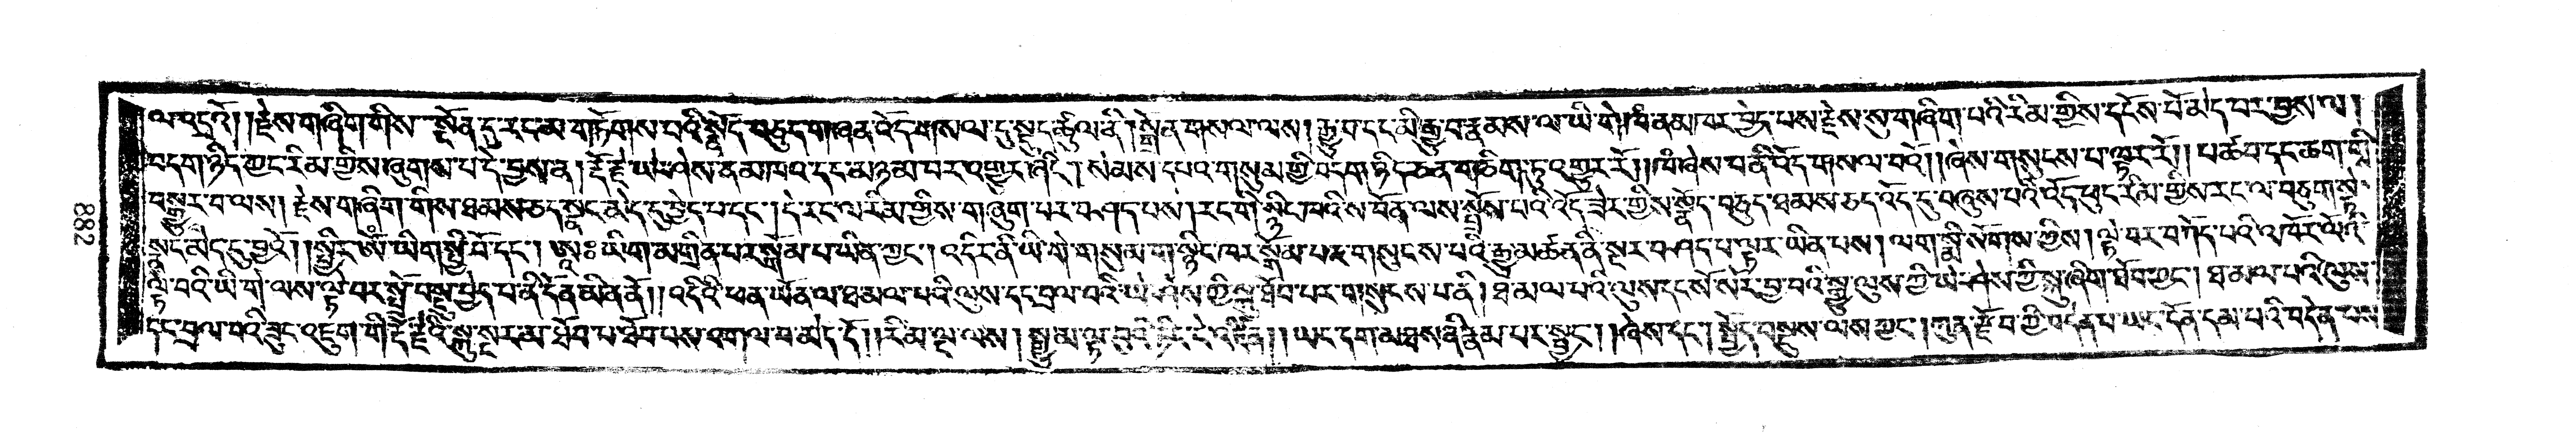ལ་འདྲའོ། །རྗེས་གཞིག་གིས་སྔོན་དུ་རང་མ་གཏོགས་པའི་སྣོད་བཅུད་གཞན་འོད་གསལ་དུ་སྡུད་ཚུལ་ནི། སྒྲོན་གསལ་ལས། རྒྱུ་བ་དང་མི་རྒྱུ་བ་རྣམས་ལ་ཡི་གེ་ཁམ་ནམ་མཁར་བྱེད་པས་རྗེས་སུ་གཞིག་པའི་རིམ་གྱིས་དངོས་པོ་མེད་པར་བྱས་ལ།
བདག་ཉིད་ཀྱང་རིམ་གྱིས་ཞུགས་པ་དེ་བྱས་ན། རྡོ་རྗེ་ཡེ་ཤེས་ནམ་མཁའ་དང་མཉམ་པར་འགྱུར་ཞིང་། སེམས་དཔའ་གསུམ་གྱི་བདག་ཉིད་ཅན་གཅིག་ཏུ་འགྱུར་རོ། །ཁམ་ཞེས་པ་ནི་འོད་གསལ་བའོ། །ཞེས་གསུངས་པ་ལྟར་རོ། །པ་ཚབ་དང་ཆག་གིས་
བསྒྱུར་བ་ལས། རྗེས་གཞིག་གིས་ཐམས་ཅད་སྣང་མེད་དུ་བྱེད་པ་དང་། དེ་རང་ལ་རིམ་གྱིས་གཞུག་པར་བཤད་པས། རང་གི་སྙིང་ཁའི་ས་བོན་ལས་སྤྲོས་པའི་འོད་ཟེར་གྱིས་སྣོད་བཅུད་ཐམས་ཅད་འོད་དུ་བཞུས་པའི་འོད་ཕུང་རིམ་གྱིས་རང་ལ་བཅུག་སྟེ་
སྣང་མེད་དུ་བྱའོ། །སྤྱིར་ཨོཾ་ཡི་གེ་སྤྱི་བོ་དང་། ཨཱཿ ཡིག་མགྲིན་པར་སྒོམ་པ་ཡིན་ཀྱང་། འདིར་ནི་ཡི་གེ་གསུམ་ག་སྙིང་ཁར་སྒོམ་པར་གསུངས་པའི་རྒྱུ་མཚན་ན་སྔར་བཤད་པ་ལྟར་ཡིན་པས། ལག་སྨི་སོགས་ཀྱིས། ལྟེ་བར་བཀོད་པའི་འཁོར་ལོའོ་
ལྟ་བའི་ཡི་གེ་ལས་ལྟེ་བར་སྤྲོ་བསྡུ་བྱེད་པ་ནི་དོན་མིན་ནོ། །འདིའི་ཕན་ཡོན་ལ་ཐ་མལ་པའི་ལུས་དང་བྲལ་བའི་ཡེ་ཤེས་ཀྱི་སྐུ་ཐོབ་པར་གསུངས་པ་ནི། ཐ་མལ་པའི་ལུས་དང་སོ་སོར་བྱ་བའི་སྒྱུ་ལུས་ཀྱི་ཡེ་ཤེས་ཀྱི་སྐུ་ཞིག་ཐོབ་ཀྱང་། ཐ་མལ་པའི་ལུས་
དང་བྲལ་བའི་ཟུང་འཇུག་གི་རྡོ་རྗེའི་སྐུ་སྔར་མ་ཐོབ་པ་ཐོབ་པས་འགལ་བ་མེད་དོ། །རིམ་ལྔ་ལས། སྒྱུ་མ་ལྟ་བུའི་ཏིང་ངེ་འཛིན། །ཡང་དག་མཐས་ནི་རྣམ་པར་སྦྱང་། །ཞེས་དང་། སྤྱོད་བསྡུས་ལས་ཀྱང་། ཀུན་རྫོབ་ཀྱི་བདེན་པ་ཡང་དོན་དམ་པའི་བདེན་པས་